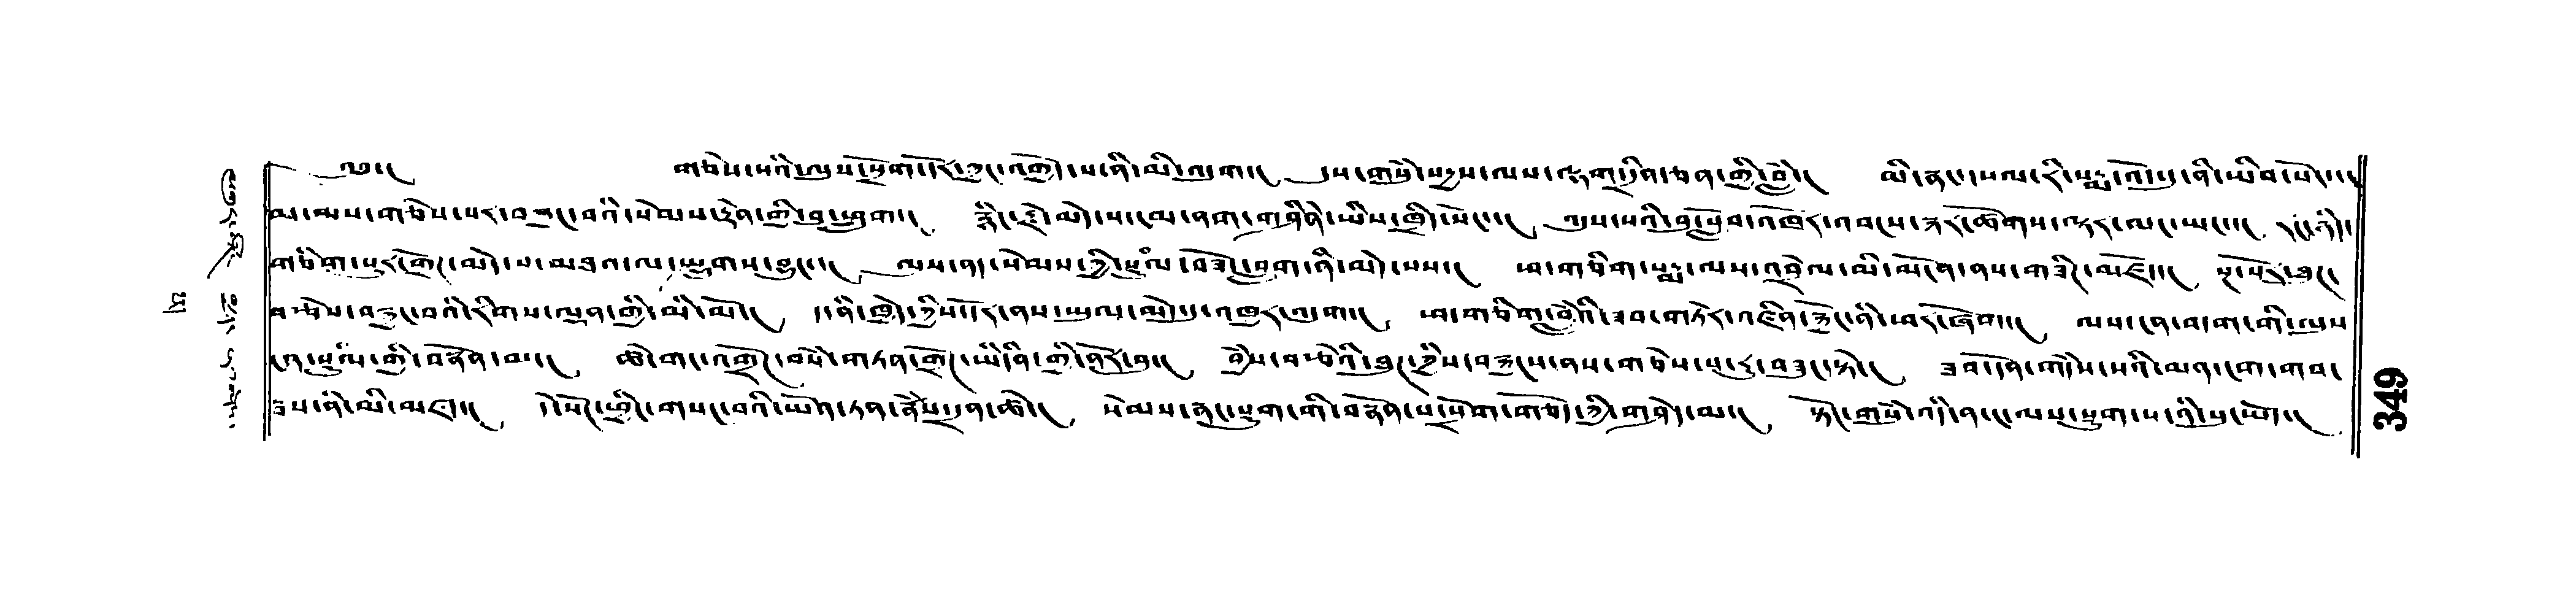།གཅེས་པའི་ལུས་སྲོག་ཀྱང་འགྱོད་པ་ནི་མི་འདུག །དུས་གསུམ་སངས་རྒྱས་ལས་ལྷག་དྲིན་ཅན་གྱི་བླ་མ། །མི་སྣང་དཔལ་རི་པདྨ་འོད་དུ་ནི་ཡིབ་སོང་། །
མ་མས་གཅེས་པར་བསྐྱངས་པའི་སེམས་རྟེན་གྱི་བུ་ཕྲུག།སྙིང་རྗེ་མེད་པ་ངམ་ནག་གཤིན་རྗེ་ཡིས་ཁྲིད་སོང་། །འདུས་པའི་བུ་སློབ་འཁོར་འབངས་སྐར་ཚོགས་ལྟར་མང་ཡང་། །རང་ཉིད་
གཅིག་པུར་གྲོགས་མེད་ས་མཐའ་ལ་སྤྱུགས་བྱུང་། །ལུས་ནད་སེམས་ཀྱི་སྡུག་བསྔལ་བཟོད་བླག་ནི་མེད་པས། །ཕ་གཅིག་པདྨ་ལས་འབྲེལ་མི་མངོན་ནས་གཟིགས་མཛོད། །སྔ་པསར་ཐུགས་
བརྩེས་བསྐྱངས་བའི་རིགས་ལྡན་གྱི་མི་མོ། །ད་ནི་ཁྱེད་ཀྱིས་དོར་ནས་ཡུལ་མེད་དུ་འཁྱར་འདུག །ཕ་གཅིག་བླ་མའི་ཟབ་གཏེར་འཛིན་སྐྱོང་ནི་ཕར་ཞོག །ལས་ངན་བདག་གི་ལུས་
ངན་སྡུག་བསྔལ་གྱི་བསྣོན་མ། །ཚེ་གང་འགྲོགས་བསམ་གཏན་གྲོགས་ཡིད་བཞིན་གྱི་ནོར་བུ། །བྱམས་བརྩེའི་ཐུགས་ཀྱིས་བསྐྱངས་ནས་གཅེས་པ་རུ་བཟུང་སྟེ། །ཟབ་དོན་གདམས་པའི་མན་ངག་གབ་
སྦས་ནི་མི་མཛད། །དེ་སོགས་ཕྱི་ནང་གསང་བའི་ཡོན་ཏན་རྣམས་དྲན་ཚེ། །སེམས་སྣང་སྡུག་གི་བསྣོན་པ་སྲོག་གཅོད་ཀྱི་གཤེད་མ། །སྟོང་གསུམ་འདི་ན་ང་ལས་སྡུག་པ་ནི་སུ་ཡོད།